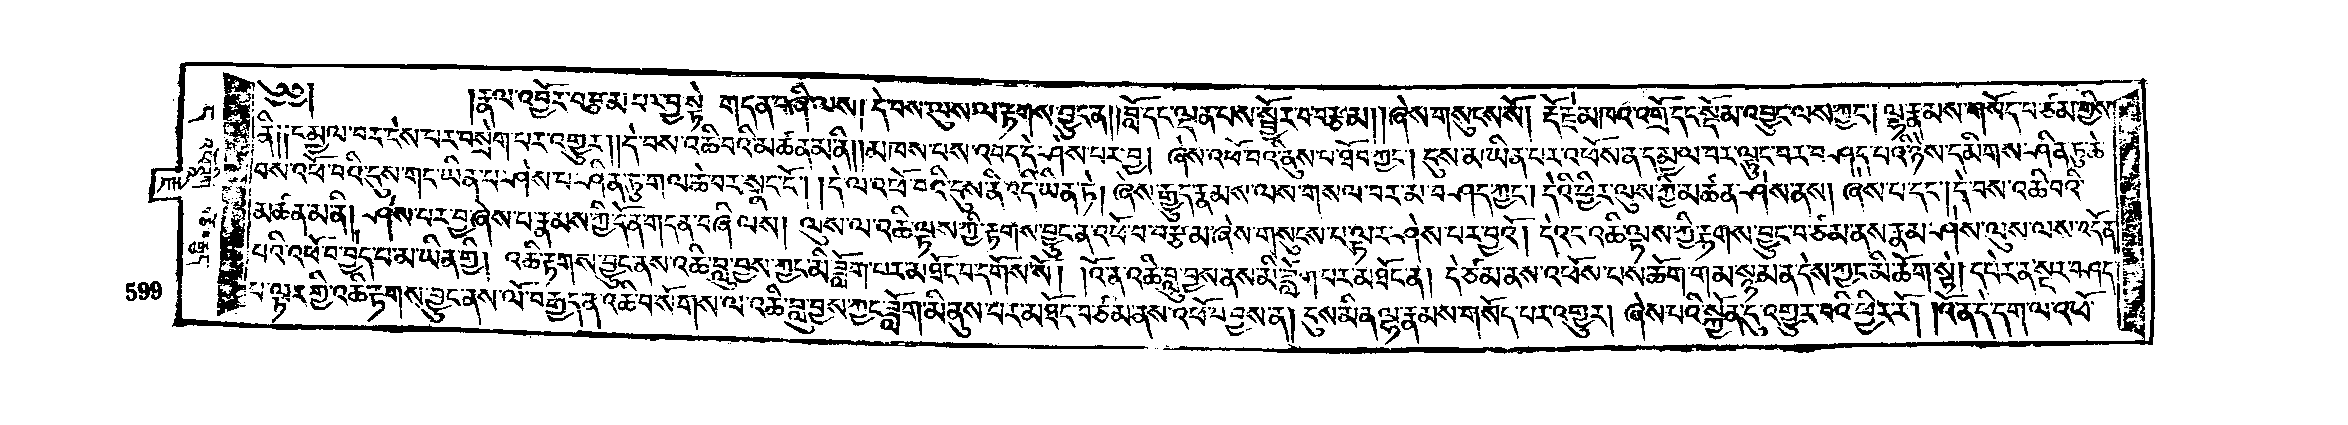༄༅། །རྣལ་འབྱོར་བརྩམ་པར་བྱ་སྟེ། གདན་བཞི་ལས། དེ་བས་ལུས་ལ་རྟགས་བྱུང་ན། །བློ་དང་ལྡན་པས་སྦྱོར་བ་བརྩམ། །ཞེས་གསུངས་སོ། རྡོ་རྗེ་མཁའ་འགྲོ་དང་སྡོམ་འབྱུང་ལས་ཀྱང་། ལྷ་རྣམས་གསོད་པ་ཙམ་གྱིས་
ནི༑ ༑དམྱལ་བར་ངེས་པར་བསྲེག་པར་འགྱུར། །དེ་བས་འཆི་བའི་མཚན་མ་ནི། །མཁས་པས་འབད་དེ་ཤེས་པར་བྱ། ཞེས་འཕོ་བའི་ནུས་པ་ཐོབ་ཀྱང་། དུས་མ་ཡིན་པར་འཕོས་ན་དམྱལ་བར་ལྟུང་བར་བཤད་པའི་ཉེས་དམིགས་ཤིན་ཏུ་ཆེ་
བས་འཕོ་བའི་དུས་གང་ཡིན་པ་ཤེས་པ་ཤིན་ཏུ་གལ་ཆེ་བར་སྣང་ངོ། །དེ་ལ་འཕོ་བའི་དུས་ནི་འདི་ཡིན་ཏེ། ཞེས་རྒྱུད་རྣམས་ལས་གསལ་བར་མ་བཤད་ཀྱང་། དེའི་ཕྱིར་ལུས་ཀྱི་མཚན་ཤེས་ནས། ཞེས་པ་དང་། དེ་བས་འཆི་བའི་
མཚན་མ་ནི། ཤེས་པར་བྱ་ཞེས་པ་རྣམས་ཀྱི་དོན་གདན་བཞི་ལས། ལུས་ལ་འཆི་ལྟས་ཀྱི་རྟགས་བྱུང་ན་འཕོ་བ་བརྩམ་ཞེས་གསུངས་པ་ལྟར་ཤེས་པར་བྱའོ། དེའང་འཆི་ལྟས་ཀྱི་རྟགས་བྱུང་བ་ཙམ་ནས་རྣམ་ཤེས་ལུས་ལས་འདོན་པའི་འཕོ་བ་བྱེད་པ་མ་ཡིན་གྱི། འཆི་རྟགས་བྱུང་ནས་འཆི་བླུ་བྱས་ཀྱང་མི་ཟློག་པར་མཐོང་བ་དགོས་སོ། །འོ་ན་འཆི་བླུ་བྱས་ནས་མི་ཟློག་པར་མཐོང་ན། དེ་ཙམ་ནས་འཕོས་པས་ཆོག་གམ་སྙམ་ན་དེས་ཀྱང་མི་ཆོག་སྟེ། དཔེར་ན་སྔར་བཤད་
པ་ལྟར་གྱི་འཆི་རྟགས་བྱུང་ནས་ལོ་བརྒྱད་ན་འཆི་བ་སོགས་ལ་འཆི་བླུ་བྱས་ཀྱང་ཟློག་མི་ནུས་པར་མཐོང་བ་ཙམ་ནས་འཕོ་བ་བྱས་ན། དུས་མིན་ལྷ་རྣམས་གསོད་པར་འགྱུར། ཞེས་པའི་སྐྱོན་དུ་འགྱུར་བའི་ཕྱིར་རོ། །འོ་ན་དེ་དག་ལ་འཕོ་